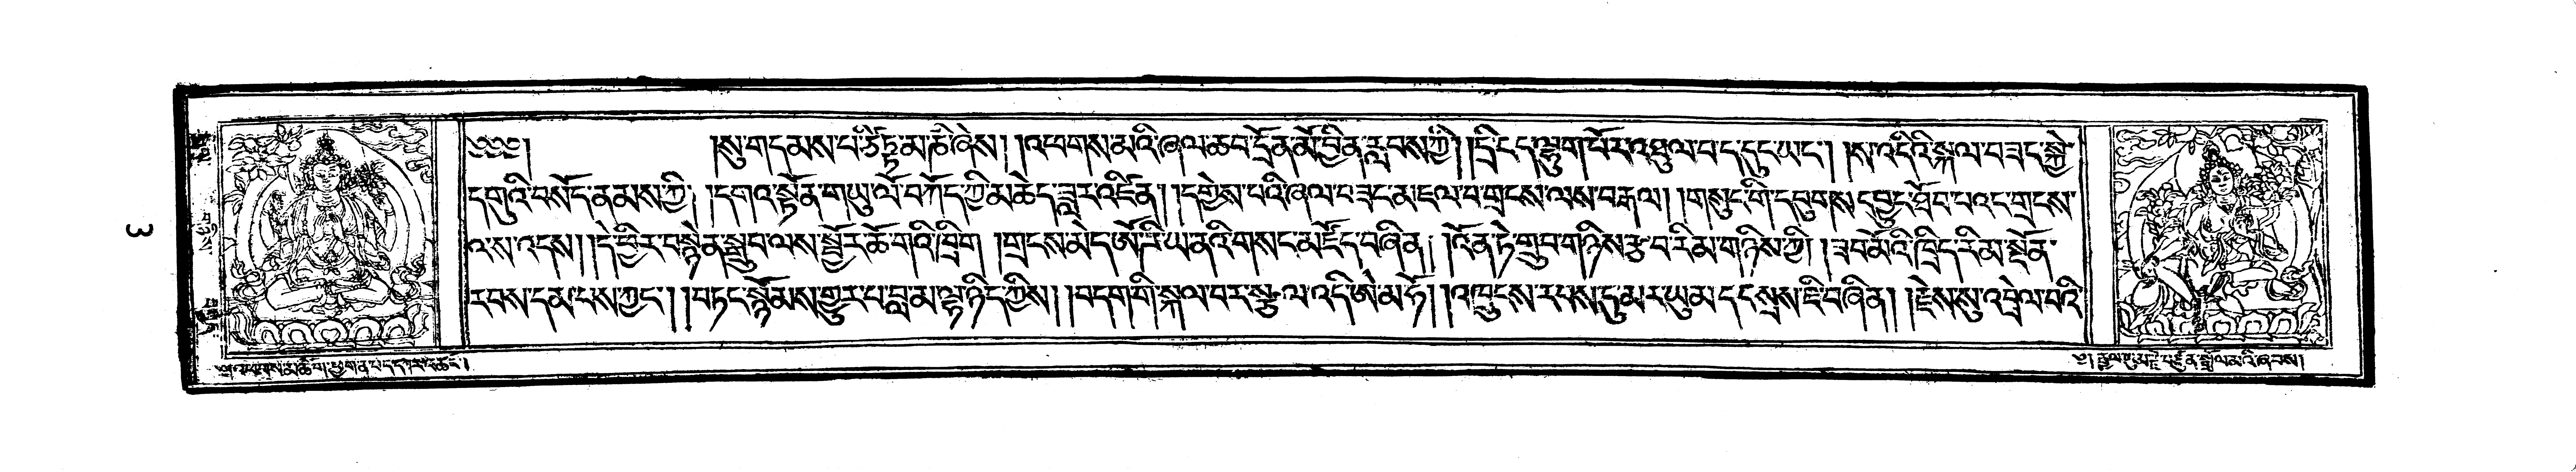༄༅༅། །སུ་གདམས་པ་ཙིཏྟ་མ་ཎི་ཞེས། །འཕགས་མའི་ཞལ་ཆབ་དྲོན་མོ་བྱིན་རླབས་ཀྱི། །དྲི་ངད་ལྷུག་པོར་འཐུལ་བ་ད་དུང་ཡང་། །ས་འདིའི་སྐལ་བཟང་སྐྱེ་
དགུའི་བསོད་ནམས་ཀྱི། །དགའ་སྟོན་གཡུ་ལོ་བཀོད་ཀྱི་མཆེད་ཟླར་འཛིན། །དགྱེས་པའི་ཞལ་བཟང་མཇལ་བ་གྲངས་ལས་བརྒལ། །གསུང་གི་དབུགས་དབྱུང་ཐོབ་པའང་གྲངས་
ལས་འདས། །དེ་ཕྱིར་བསྙེན་སྒྲུབ་ལས་སྦྱོར་ཆོ་གའི་ཁྲིགས། །གྲངས་མེད་ཨཽ་ཌི་ཡཱ་ནའི་གསང་མཛོད་བཞིན། །འོན་ཏེ་གྲུབ་གཉིས་རྩ་བ་རིམ་གཉིས་ཀྱི། །ཟབ་མོའི་ཁྲིད་རིམ་སྔོན་
རབས་དམ་པས་ཀྱང་། །བཏང་སྙོམས་གྱུར་བ་བླ་མ་ལྷ་ཉིད་ཀྱིས། །བདག་གི་སྐལ་བར་སྩལ་འདི་ཨེ་མ་ཧོ། །འཁྲུངས་རབས་དུ་མར་ཡུམ་དང་སྲས་ཇི་བཞིན། །རྗེས་སུ་འབྲེལ་བའི་